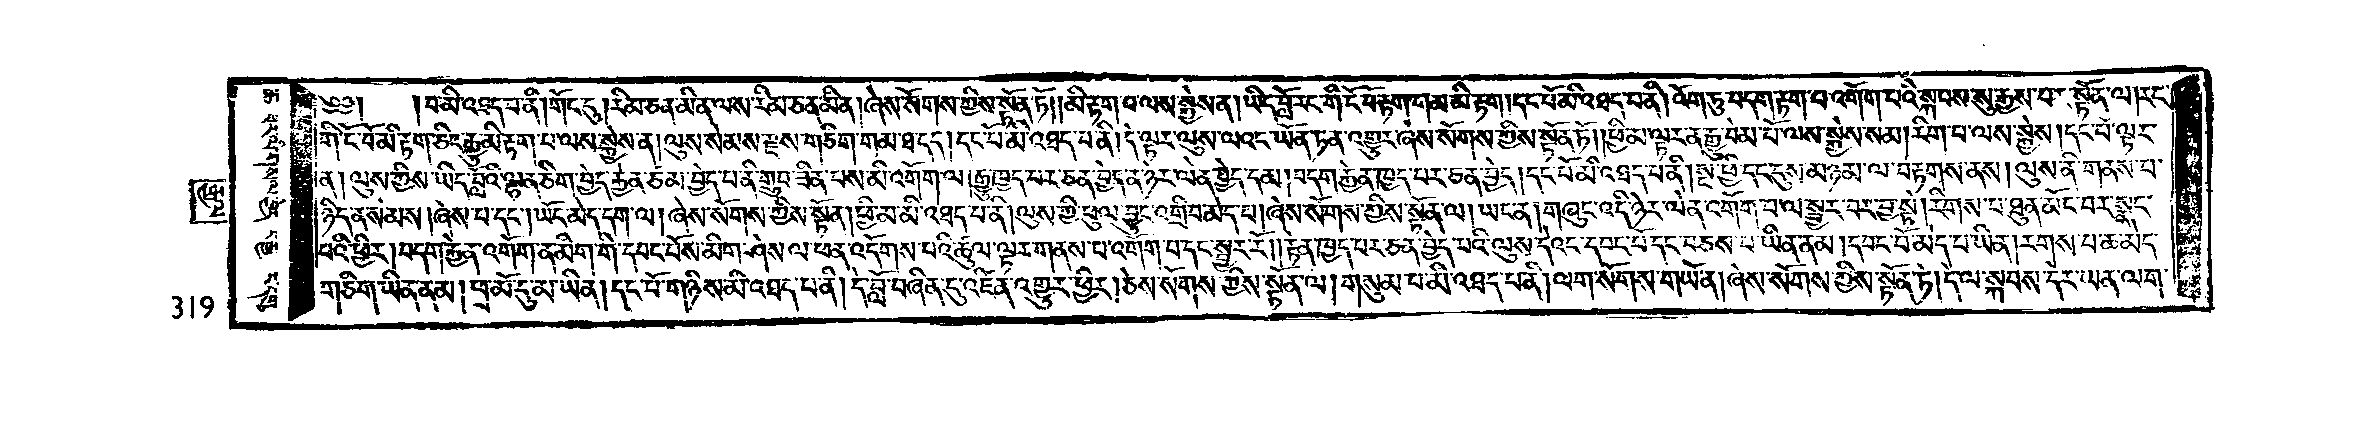༄༅། །བ་མི་འཐད་པ་ནི། གོང་དུ། རིམ་ཅན་མིན་ལས་རིམ་ཅན་མིན། ཞེས་སོགས་ཀྱིས་སྟོན་ཏོ། །མི་རྟག་པ་ལས་སྐྱེས་ན། ཡིད་བློ་རང་གི་ངོ་བོ་རྟག་གམ་མི་རྟག །དང་པོ་མི་འཐད་པ་ནི། འོག་ཏུ་བདག་རྟག་པ་འགོག་པའི་སྐབས་སུ་རྒྱས་པར་སྟོན་ལ། རང་
གི་ངོ་བོ་མི་རྟག་ཅིང་རྒྱུ་མི་རྟག་པ་ལས་སྐྱེས་ན། ལུས་སེམས་རྫས་གཅིག་གམ་ཐ་དད། དང་པོ་མི་འཐད་པ་ནི། དེ་ལྟར་ལུས་ལའང་ཡོན་ཏན་འགྱུར་ཞེས་སོགས་ཀྱིས་སྟོན་ཏོ། །ཕྱི་མ་ལྟར་ན་རྒྱུ་བེམ་པོ་ལས་སྐྱེས་སམ། རིག་པ་ལས་སྐྱེས། དང་པོ་ལྟར་
ན། ལུས་ཀྱིས་ཡིད་བློའི་ལྷན་ཅིག་བྱེད་རྐྱེན་ཙམ་བྱེད་པ་ནི་གྲུབ་ཟིན་པས་མི་འགོག་ལ། རྒྱུ་ཁྱད་པར་ཅན་བྱེད་ན་ཉེར་ལེན་བྱེད་དམ། བདག་རྐྱེན་ཁྱད་པར་ཅན་བྱེད། དང་པོ་མི་འཐད་པ་ནི། སྔ་ཕྱི་དང་དུས་མཉམ་ལ་བརྟགས་ནས། ལུས་ནི་གནས་པ་
ཉིད་ན་སེམས། ཞེས་པ་དང་། ཡོད་མེད་དག་ལ། ཞེས་སོགས་ཀྱིས་སྟོན། ཕྱི་མ་མི་འཐད་པ་ནི། ལུས་ཀྱི་ཕུལ་བྱུང་འགྲིབ་མེད་པ། ཞེས་སོགས་ཀྱིས་སྟོན་ལ། ཡང་ན། གཞུང་འདི་ཉེར་ལེན་འགོག་པ་ལ་སྦྱར་བར་བྱ་སྟེ། རིགས་པ་ཐུན་མོང་བར་སྣང་
པའི་ཕྱིར། བདག་རྐྱེན་འགོག་ན་མིག་གི་དབང་པོས་མིག་ཤེས་ལ་ཕན་འདོགས་པའི་ཚུལ་ལྟར་གནས་པ་འགོག་པ་དང་སྦྱར་རོ། །རྟེན་ཁྱད་པར་ཅན་བྱེད་པའི་ལུས་དེའང་དབང་པོ་དང་བཅས་པ་ཡིན་ནམ། དབང་པོ་མེད་པ་ཡིན། རིགས་པ་ཆ་མེད་
གཅིག་ཡིན་ནམ། ཕྲ་མོ་དུ་མ་ཡིན། དང་པོ་གཉིས་མི་འཐད་པ་ནི། དེ་བློ་བཞིན་དུ་འཛིན་འགྱུར་ཕྱིར། ཅེས་སོགས་ཀྱིས་སྟོན་ལ། གསུམ་པ་མི་འཐད་པ་ནི། ལག་སོགས་གཡོ་ན། ཞེས་སོགས་ཀྱིས་སྟོན་ཏེ། དེ་ལ་སྐབས་དེར་ཡན་ལག་